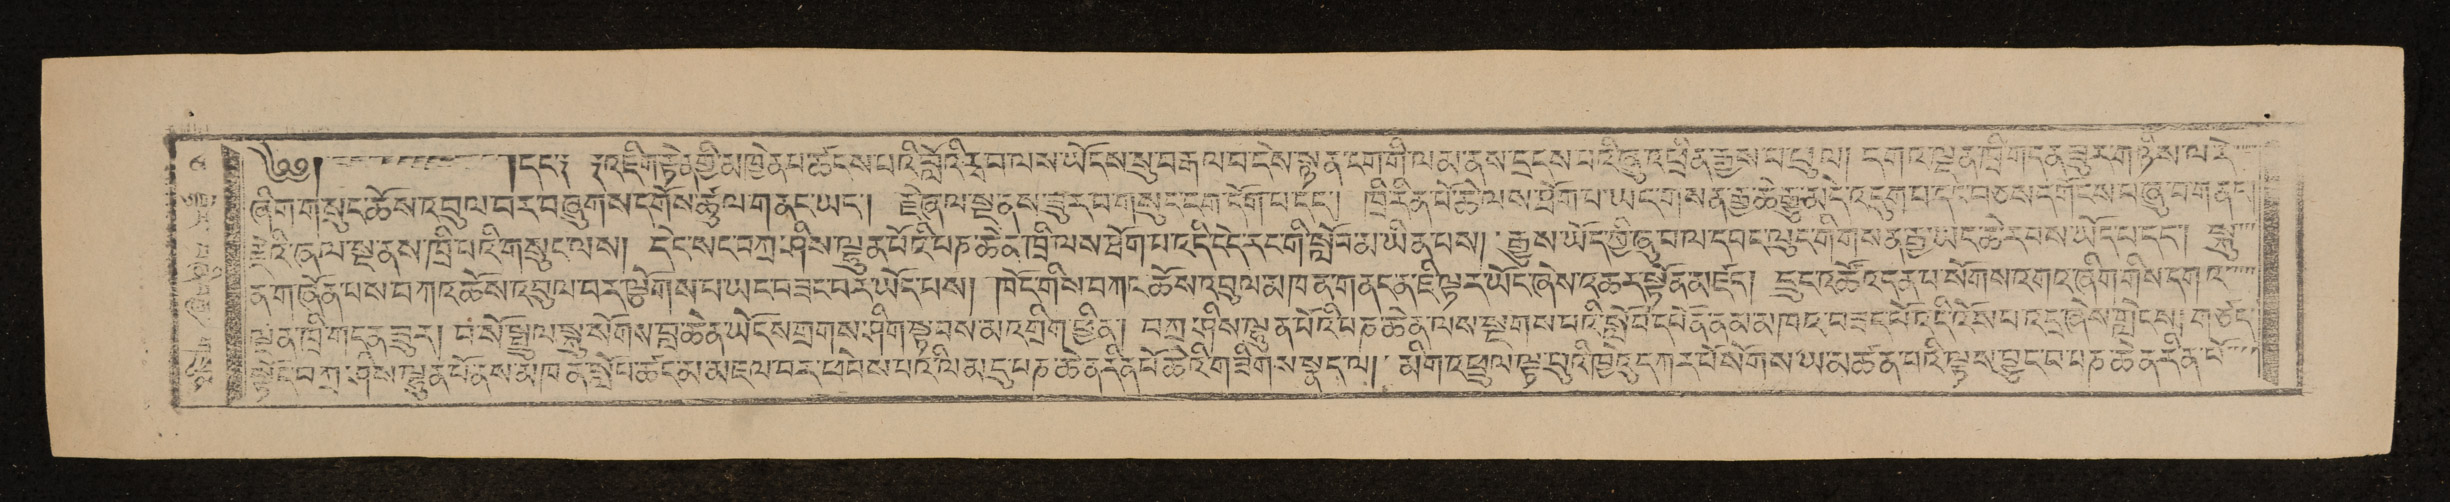༄༅། །དང༑ ༑འཇིག་རྟེན་གྱི་མཁྱེན་པ་ཚངས་པའི་བློའི་རྭ་བ་ལས་ཡོངས་སུ་བརྒལ་བ་དེས་སྙན་ངག་གི་ལམ་ནས་དྲངས་པའི་ཞུ་འཕྲིན་རྒྱས་པ་ཕུལ། དགའ་ལྡན་ཁྲི་གདན་ཟུར་གཉིས་ལ་རེ་
ཞིག་གསུང་ཆོས་འབུལ་བར་བཞུགས་དགོས་ཚུལ་གནང་ཡང་། རྗེ་ཞལ་སྔ་ནས་ཟུར་བ་གསུང་ངག་དོག་པ་དང་། ཁྲི་རིན་པོ་ཆེ་ལས་ཐོག་པ་ཡང་གསན་རྒྱ་ཆེ་རྒྱུ་མེད་འདུག་པ་དང་བཅས་དགོངས་པ་ཞུ་བ་གནང་
རྗེའི་ཞལ་སྔ་ནས་ཁྲི་བའི་གསུང་ལས། དེང་སང་བཀྲ་ཤིས་ལྷུན་པོའི་པཎ་ཆེན་ཁྲི་ལས་ཐོག་པ་འདི་ངེད་རང་གི་སློབ་མ་ཡིན་པས། རྒྱུས་ཡོད་ཀྱི་ཞུ་བ་ལ་དབང་ལུང་གི་གསན་རྒྱ་ཡང་ཆེ་རབས་ཡོད་པ་དང་། སྐུ་
ན་གཞོན་པས་བཀའ་ཆོས་འབུལ་བར་ལྕོགས་པ་ཡང་བཟང་བར་ཡོད་པས། ཁོང་གིས་བཀའ་ཆོས་འབུལ་མཁན་གནང་ན་ཇི་ལྟར་ཡོང་ཞེས་འཆར་སྟོན་མཛད། དྲུང་འཚོ་འདན་པ་སོགས་འགའ་ཞིག་གིས་དགའ་
ལྡན་ཁྲི་གདན་ཟུར། བ་སོ་སྤྲུལ་སྐུ་སོགས་བླ་ཆེན་ཡོངས་གྲགས་ཤིག་སྟབས་མ་འགྲིག་ཕྱིན། བཀྲ་ཤིས་ལྷུན་པོའི་པཎ་ཆེན་ལས་སྔགས་པའི་སློབ་དཔོན་ནམ་མཁའ་བཟང་པོ་འདི་འོས་པ་འདྲ་ཞེས་གླེངས། གཙང་
སྟོད་བཀྲ་ཤིས་ལྷུན་པོ་ནས་མཁན་སློབ་ཚང་མ་མཇལ་བར་ཕེབས་པའི་ལམ་དུ་པཎ་ཆེན་རིན་པོ་ཆེའི་གཟིགས་སྣང་ལ། མིག་འཕྲུལ་ལྟ་བུའི་ཁྱེའུ་དཀར་པོ་སོགས་ཡ་མཚན་པའི་ལྟས་བྱུང་བ་པཎ་ཆེན་རིན་པོ་